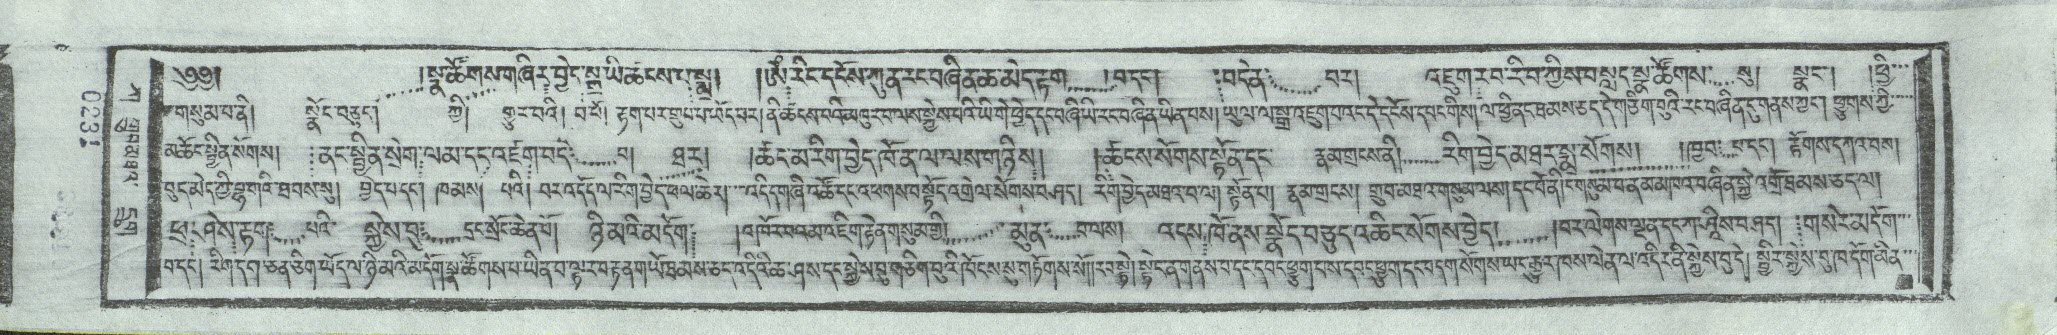༄༅། །སྣ་ཚོགས་གཞིར་བྱེད་སྒྲ་ཡི་ཚངས་པ་སྨྲ། །ཨོཾ་རིང་དངོས་ཀུན་རང་བཞིན་ཆ་མེད་རྟག །བ་དང་། བདེན་བར། འཇུག་རབ་རི་ཕ་ཀྱིས་བསླད་སྣ་ཚོགས་སུ། སྣང་། །ཕྱི་
གསུམ་པ་ནི། སྣོང་བཅུད། ཀྱི། གྱུར་བའི། བ་བོ། རྟག་པར་གྲུབ་པ་ཡོད་པ་ནི་ཚངས་པའི་མཁུར་བ་ལས་སྐྱེས་པའི་ཡི་གེ་བྱེད་དང་བཞི་ཡི་རང་བཞིན་ཡིན་བས། ཡུལ་ལ་སྒྲ་འཇུག་བའང་དེ་དངོས་དཔང་གིས། ལ་ཕྱི་ནང་ཐམས་ཅད་དེ་གཅིག་བུའི་རང་བཞིན་དུ་གནས་ཀྱང་། ཕྱུགས་ཀྱི་
མཆོང་སྦྱིན་སོགས། ནང་སྦྱིན་སྲེག་ལམ་དང་འཛག་བདེ་བ། ཐར། །ཚང་མ་རིག་བྱེད་ཁོ་ན་ལ་ལས་གཉིས། །ཚངས་སོགས་སྟོན་དང་རྣམ་གྲངས་ནི། རིག་བྱེད་མཐར་སྨྲ་སོགས། །ཁྱབ་པ་དང་། རྟོགས་དཀའ་བས་
བུད་མེད་ཀྱི་བྷ་གའི་ཐབས་སུ། བྱེད་པ་དང་། ཁམས། བའི། བར་འདོད་ལ་རིག་བྱེད་ཕལ་ཆེར། འདི་དག་ཞི་འཚོ་དང་འཕགས་བསྟོང་འགྲེལ་སོགས་བཤད། རིག་བྱེད་མཐའ་པ་ལ། སྟོན་པ། རྣམ་གྲངས། གྲུབ་མཐའ་གསུམ་ལས། དང་བོ་ནི། ང་སུམ་པ་མན་ཁའ་?་བཞིན་སྐྱེ་འགྲོ་ཐམས་ཅད་ལ།
ཕྲ་ཤེས་རྟག་བའི་སྐྱེས་བུ་དྲང་སྲོང་ཆེན་པོ། ཉི་མའི་མདོག། །འཁོར་བའམ་འཇིག་རྟེན་གསུམ་གྱི། མུན་བ་ལས། འདས་ཁོ་ནས་སྣོད་བཅུད་འཆིང་སོགས་བྱེད། །བར་ལེགས་ལྡན་དང་ཀ་ཤཱིས་བཤད། གསེར་མདོག་
བ་དང་། རིག་དག་ཅན་ཅིག་ཡོད་ལ་ཉི་མའི་མདོག་སྣ་ཚོགས་པ་ཡིན་བ་ལྟར་བརྟན་གཡོ་ཐམས་ཅད་འདིའི་ཆ་ཤས་དང་སྐྱེས་བུ་གཅིག་བུའི་ཁོངས་སུ་གཏོགས་སོ། །རབ་སྟེ། སྟེང་ན་གནས་དང་དབང་ཕྱུག་པས་དབང་ཕྱུག་བདག་སོགས་ཡང་རྒྱུར་ཁས་ལེན་ལ་འདིར་ནི་སྐྱེས་བུ་དེ། སྦྱིར་སྐྱེས་སུ་?་མིན་